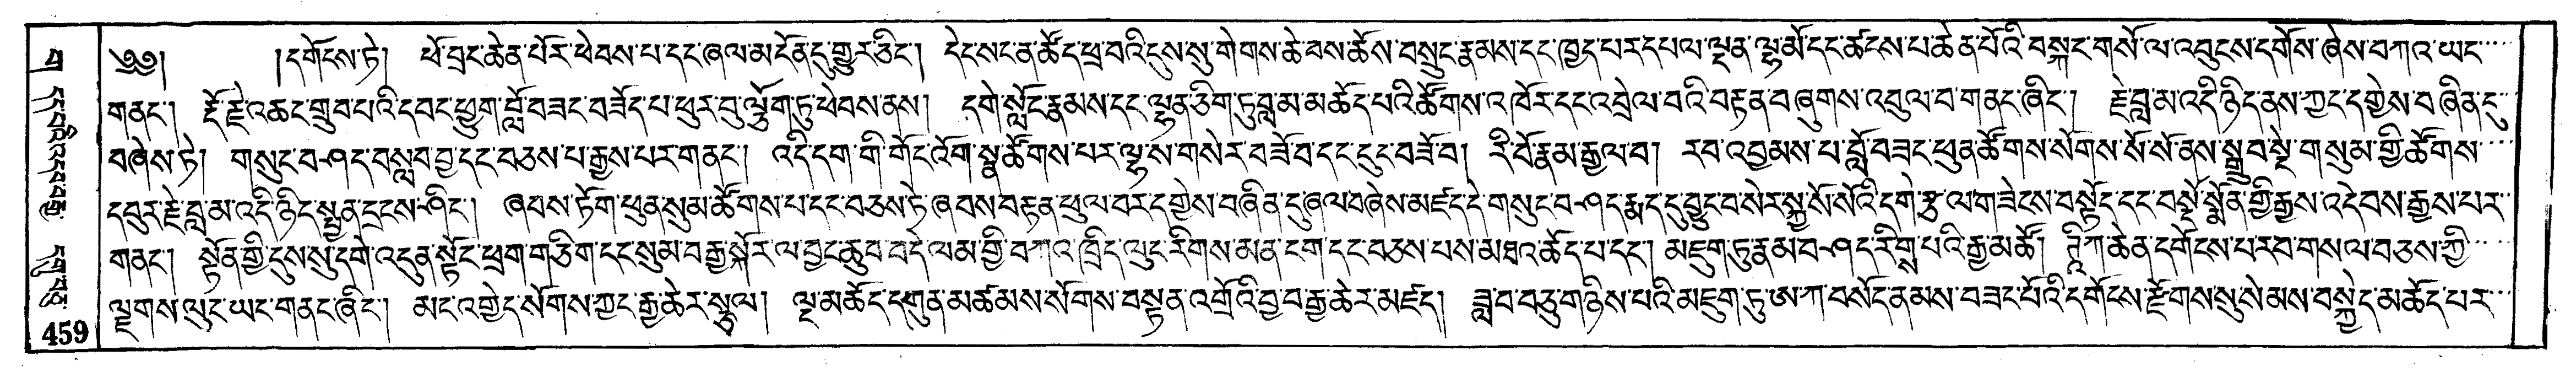༄༅། །དགོངས་ཏེ། ཕོ་བྲང་ཆེན་པོར་ཕེབས་པ་དང་ཞལ་མངོན་དུ་གྱུར་ཅིང་། དེང་སང་ན་ཚོད་ཕྲ་བའི་དུས་སུ་གེགས་ཆེ་བས་ཆོས་བསྲུང་རྣམས་དང་ཁྱད་པར་དཔལ་ལྡན་ལྷ་མོ་དང་ཚངས་བ་ཆེན་པོའི་བསྐང་གསོ་ལ་འབུངས་དགོས་ཞེས་བཀའ་ཡང་
གནང་། རྡོ་རྗེ་འཆང་གྲུབ་པའི་དབང་ཕྱུག་བློ་བཟང་བཟོད་པ་ཕུར་བུ་ལྕག་ཏུ་ཕེབས་ནས། དགེ་སློང་རྣམས་དང་ལྷན་ཅིག་ཏུ་བླ་མ་མཆོད་པའི་ཚོགས་འཁོར་དང་འབྲེལ་བའི་བརྟན་བཞུགས་འབུལ་བ་གནང་ཞིང་། རྗེ་བླ་མ་འདི་ཉིད་ནས་ཀྱང་དགྱེས་བཞིན་དུ་
བཞེས་ཏེ། གསུང་བཤད་བསླབ་བྱ་དང་བཅས་པ་རྒྱས་པར་གནང་། འདི་དག་གི་གོང་འོག་སྣ་ཚོགས་པར་ལྷ་ས་གསེར་བཟོ་བ་དང་དུང་བཟོ་བ། རི་པོ་རྣམ་རྒྱལ་བ། རབ་འབྱམས་པ་བློ་བཟང་ཕུན་ཚོགས་སོགས་སོ་སོ་ནས་སྒྲུབ་སྡེ་གསུམ་གྱི་ཚོགས་
དབུར་རྗེ་བླ་མ་འདི་ཉིད་སྤྱན་དྲངས་ཤིང་། ཞབས་ཏོག་ཕུན་སུམ་ཚོགས་པ་དང་བཅས་ཏེ་ཞབས་བརྟན་ཕུལ་བར་དགྱེས་བཞིན་དུ་ཞལ་བཞེས་མཛད་དེ་གསུང་བཤད་རྨད་དུ་བྱུང་བ་སེར་སྐྱ་སོ་སོའི་དགེ་རྩལ་གཟེངས་བསྟོད་དང་བསྔོ་སྨོན་གྱི་རྒྱས་འདེབས་རྒྱས་པར་
གནང་། སྟོན་གྱི་དུས་སུ་དགེ་འདུན་སྟོང་ཕྲག་གཅིག་དང་སུམ་བརྒྱ་སྐོར་ལ་བྱང་ཆུབ་བདེ་ལམ་གྱི་བཀའ་ཁྲིད་ལུང་རིགས་མན་ངག་དང་བཅས་བས་མཐའ་ཆོད་པ་དང་། མཇུག་ཏུ་རྣམ་བཤད་རིག་པའི་རྒྱ་མཚོ། ཊཱི་ཀ་ཆེན་དགོངས་པ་རབ་གསལ་བཅས་ཀྱི་
ལྗགས་ལུང་ཡང་གནང་ཞིང་། མང་འགྱེད་སོགས་ཀྱང་རྒྱ་ཆེར་སྩལ། ལྔ་མཆོད་དགུན་མཚམས་སོགས་བསྟན་འགྲོའི་བྱ་བ་རྒྱ་ཆེར་མཛད། ཟླ་བ་བཅུ་གཉིས་པའི་མཇུག་ཏུ་ཨ་ཀ་བསོད་ནམས་བཟང་པོའི་དགོངས་རྫོགས་སུ་སེམས་བསྐྱེད་མཆོད་པ་ར་